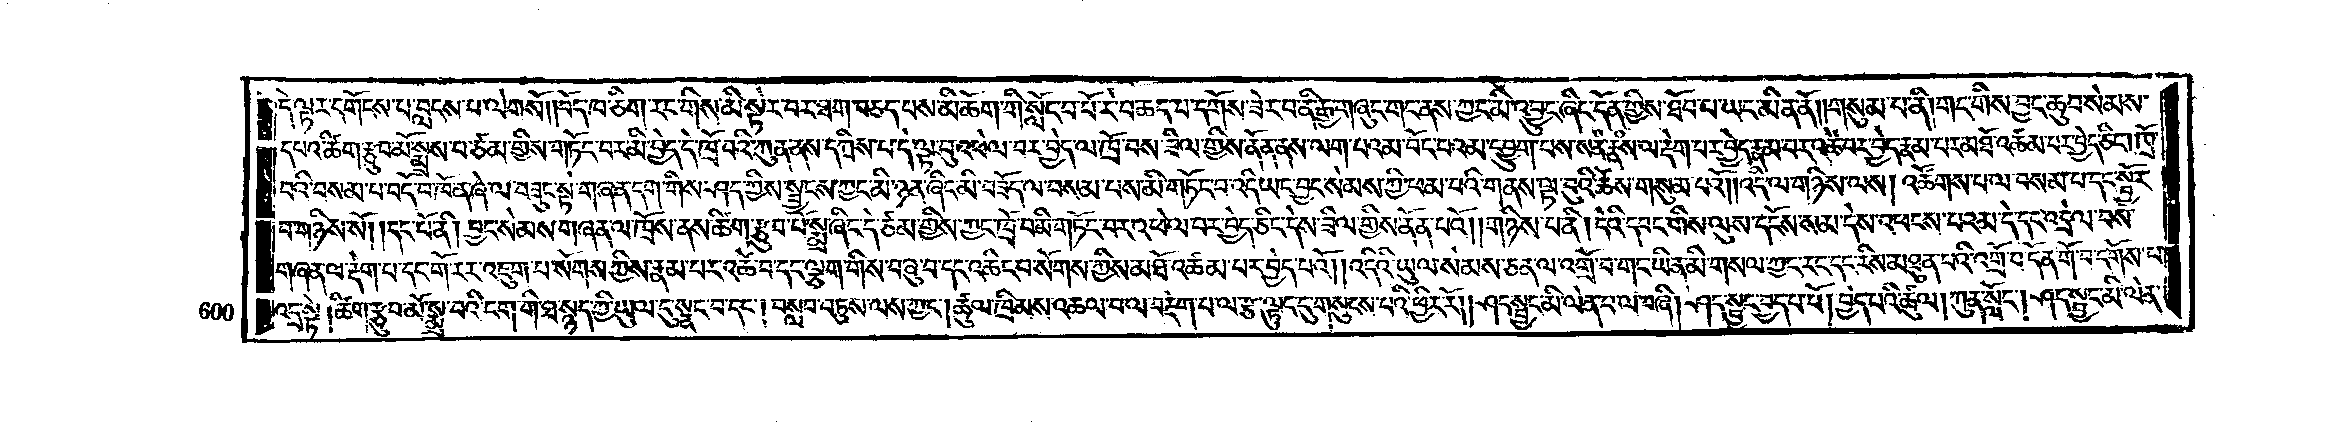དེ་ལྟར་དགོངས་པ་བླངས་པ་ལེགས་སོ། །བོད་ཁ་ཅིག་རང་གིས་མི་སྟེར་བར་ཐག་བཅད་པས་མི་ཆོག་གི་སློང་བ་པོ་རེ་བ་ཆད་པ་དགོས་ཟེར་བ་ནི་རྒྱ་གཞུང་གང་ནས་ཀྱང་མི་འབྱུང་ཞིང་དོན་གྱིས་ཐོབ་པ་ཡང་མིན་ནོ། །གསུམ་པ་ནི། གང་གིས་བྱང་ཆུབ་སེམས་
དཔའ་ཚིག་རྩུབ་མོ་སྨྲས་པ་ཙམ་གྱིས་གཏོང་བར་མི་བྱེད་དེ་ཁྲོ་བའི་ཀུན་ནས་དཀྲིས་པ་དེ་ལྟ་བུ་འཕེལ་བར་བྱེད་ལ་ཁྲོ་བས་ཟིལ་གྱིས་ནོན་ནས་ལག་པའམ་བོད་པའམ་དབྱུག་པས་ས་ནམས་?་ཅན་རྣམས་ལ་རྡེག་པར་བྱེད་རྣམ་པར་འཚེ་བར་བྱེད་རྣམ་པར་མཐོ་འཚམ་པར་བྱེད་ཅིང་། ཁྲོ་
བའི་བསམ་པ་བདོ་བ་ཁོ་ན་ཞེ་ལ་བཟུང་སྟེ་གཞན་དག་གིས་ཤད་ཀྱིས་སྦྱངས་ཀྱང་མི་ཉན་ཞིང་མི་བཟོད་ལ་བསམ་པས་མི་གཏོང་བ་འདི་ཡང་བྱང་སེམས་ཀྱི་ཕམ་པའི་གནས་ལྟ་བུའི་ཆོས་གསུམ་པའོ། །འདི་ལ་གཉིས་ལས། འཚོགས་པ་ལ་བསམ་པ་དང་སྦྱོར་
བ་གཉིས་སོ། །དང་པོ་ནི། བྱང་སེམས་གཞན་ལ་ཁྲོས་ནས་ཚིག་རྩུབ་པོ་སྨྲ་ཞིང་དེ་ཙམ་གྱིས་ཀྱང་ཁྲོ་བ་མི་གཏོང་བར་འཕེལ་བར་བྱེད་ཅིང་དེས་ཟིལ་གྱིས་ནོན་པའོ། །གཉིས་པ་ནི། དེའི་དབང་གིས་ལུས་དངོས་སམ་དེས་འཕངས་པའམ་དེ་དང་འདྲེལ་བས་
གཞན་ལ་རྡེག་པ་དང་གོ་རར་འཇུག་པ་སོགས་ཀྱིས་རྣམ་པར་འཚེ་བ་དང་ལྕག་གིས་བཞུ་བ་དང་འཆིང་བ་སོགས་ཀྱིས་མཐོ་འཚམ་པར་བྱེད་པའོ། །འདིའི་ཡུལ་སེམས་ཅན་ལ་འགྲོ་བ་གང་ཡིན་མི་གསལ་ཀྱང་རང་དང་རིས་མཐུན་པའི་འགྲོ་བ་དོན་གོ་བ་དགོས་པ་
འདྲ་སྟེ། ཚིག་རྩུབ་མོ་སྨྲ་བའི་ངག་གི་ཐ་སྙད་ཀྱི་ཡུལ་དུ་སྣང་བ་དང་། བསླབ་བཏུས་ལས་ཀྱང་། ཚུལ་ཁྲིམས་འཆལ་བ་ལ་བརྡེག་པ་ལ་རྩ་ལྟུང་དུ་གསུངས་པའི་ཕྱིར་རོ། །ཤད་སྦྱང་མི་ལེན་པ་ལ་བཞི། ཤད་སྦྱང་བྱད་པ་པོ། བྱེད་པའི་ཚུལ། ཀུན་སློང་། ཤད་སྦྱང་མི་ལེན་